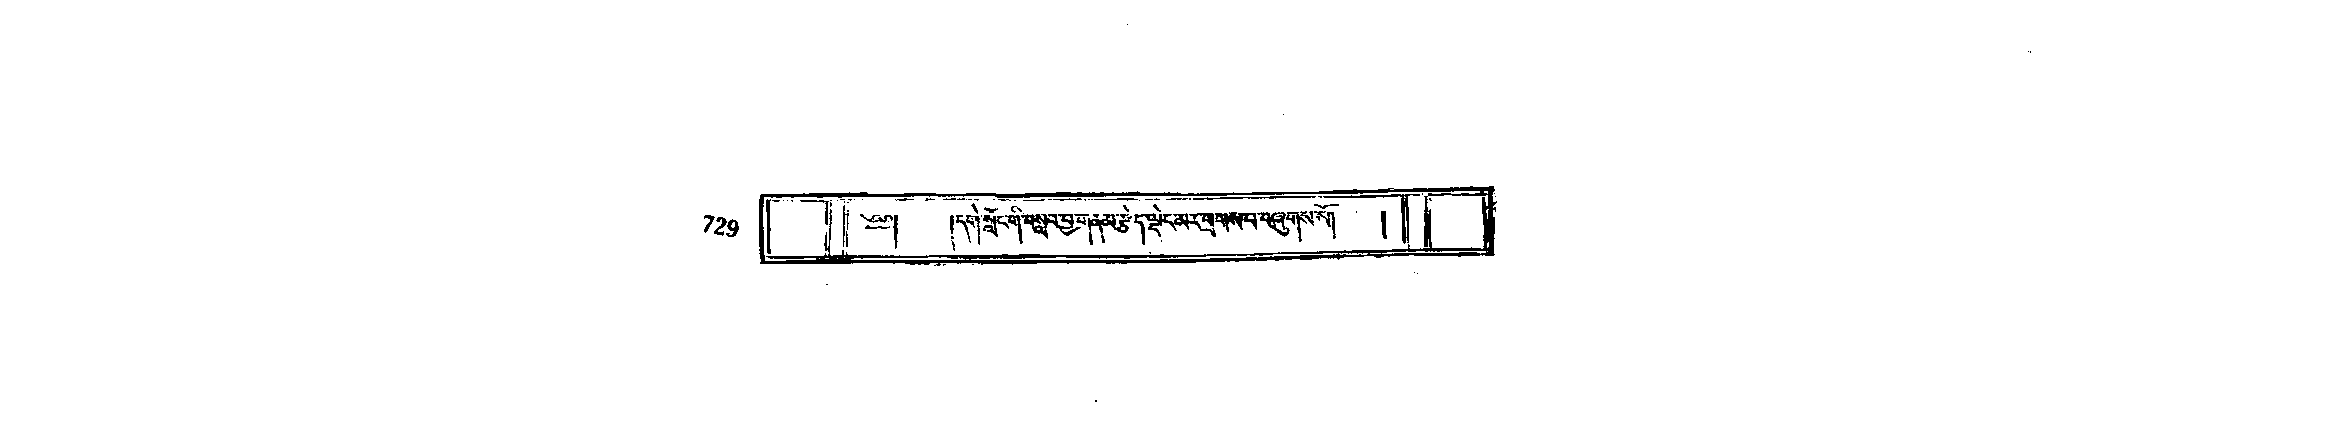༄༅། །དགེ་སློང་གི་བསླབ་བྱ་གནམ་རྩེད་ལྡེང་མར་གྲགས་པ་བཞུགས་སོ། །